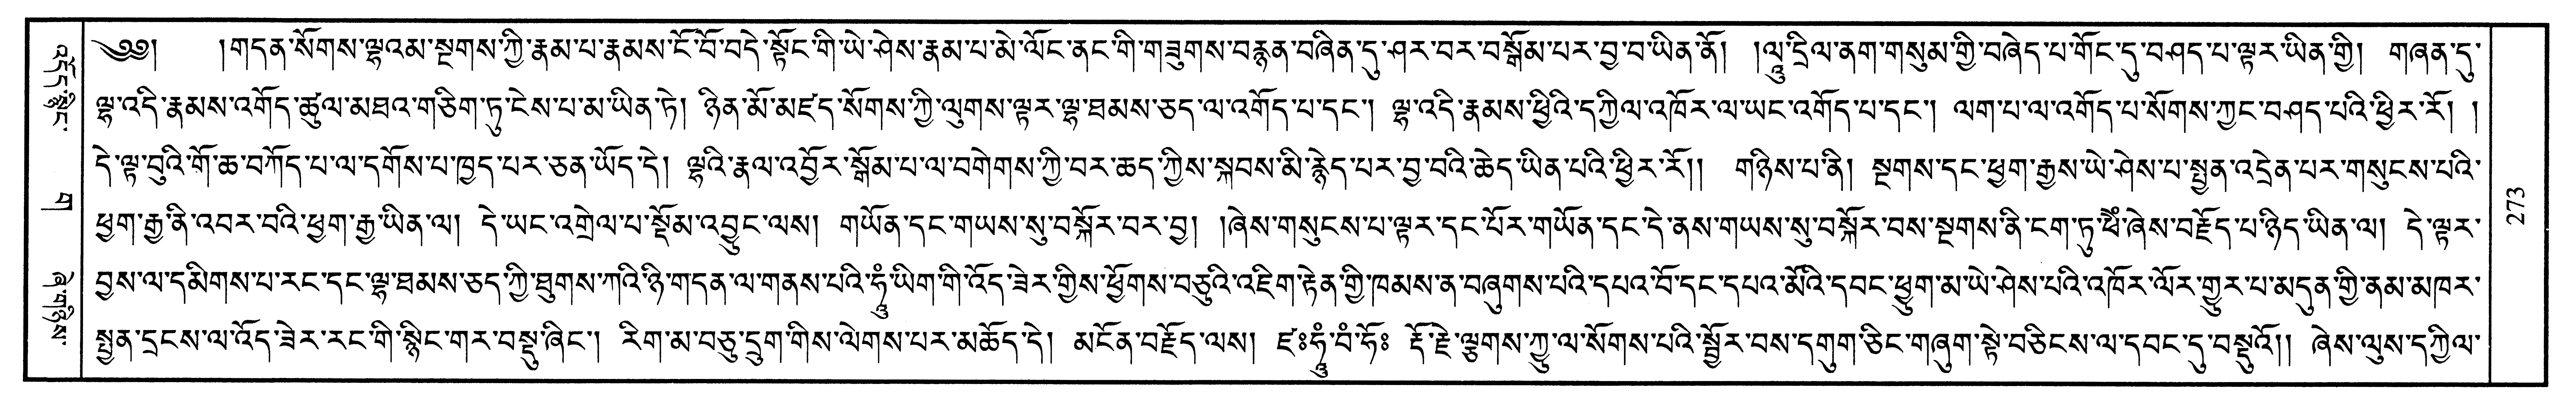༄༅། །གདན་སོགས་ལྷའམ་སྔགས་ཀྱི་རྣམ་པ་རྣམས་ངོ་བོ་བདེ་སྟོང་གི་ཡེ་ཤེས་རྣམ་པ་མེ་ལོང་ནང་གི་གཟུགས་བརྙན་བཞིན་དུ་ཤར་བར་བསྒོམ་པར་བྱ་བ་ཡིན་ནོ། །ལཱུ་དྲིལ་ནག་གསུམ་གྱི་བཞེད་པ་གོང་དུ་བཤད་པ་ལྟར་ཡིན་གྱི། གཞན་དུ་
ལྷ་འདི་རྣམས་འགོད་ཚུལ་མཐའ་གཅིག་ཏུ་ངེས་པ་མ་ཡིན་ཏེ། ཉིན་མོ་མཛད་སོགས་ཀྱི་ལུགས་ལྟར་ལྷ་ཐམས་ཅད་ལ་འགོད་པ་དང་། ལྷ་འདི་རྣམས་ཕྱིའི་དཀྱིལ་འཁོར་ལ་ཡང་འགོད་པ་དང་། ལག་པ་ལ་འགོད་པ་སོགས་ཀྱང་བཤད་པའི་ཕྱིར་རོ། །
དེ་ལྟ་བུའི་གོ་ཆ་བཀོད་པ་ལ་དགོས་པ་ཁྱད་པར་ཅན་ཡོད་དེ། ལྷའི་རྣལ་འབྱོར་སྒོམ་པ་ལ་བགེགས་ཀྱི་བར་ཆད་ཀྱིས་སྐབས་མི་རྙེད་པར་བྱ་བའི་ཆེད་ཡིན་པའི་ཕྱིར་རོ།། གཉིས་པ་ནི། སྔགས་དང་ཕྱག་རྒྱས་ཡེ་ཤེས་པ་སྤྱན་འདྲེན་པར་གསུངས་པའི་
ཕྱག་རྒྱ་ནི་འབར་བའི་ཕྱག་རྒྱ་ཡིན་ལ། དེ་ཡང་འགྲེལ་པ་སྡོམ་འབྱུང་ལས། གཡོན་དང་གཡས་སུ་བསྐོར་བར་བྱ། །ཞེས་གསུངས་པ་ལྟར་དང་པོར་གཡོན་དང་དེ་ནས་གཡས་སུ་བསྐོར་བས་སྔགས་ནི་ངག་ཏུ་ཕཻཾ་ཞེས་བརྗོད་པ་ཉིད་ཡིན་ལ། དེ་ལྟར་
བྱས་ལ་དམིགས་པ་རང་དང་ལྷ་ཐམས་ཅད་ཀྱི་ཐུགས་ཀའི་ཉི་གདན་ལ་གནས་པའི་ཧཱུཾ་ཡིག་གི་འོད་ཟེར་གྱིས་ཕྱོགས་བཅུའི་འཇིག་རྟེན་གྱི་ཁམས་ན་བཞུགས་པའི་དཔའ་བོ་དང་དཔའ་མོའི་དབང་ཕྱུག་མ་ཡེ་ཤེས་པའི་འཁོར་ལོར་གྱུར་པ་མདུན་གྱི་ནམ་མཁར་
སྤྱན་དྲངས་ལ་འོད་ཟེར་རང་གི་སྙིང་གར་བསྡུ་ཞིང་། རིག་མ་བཅུ་དྲུག་གིས་ལེགས་པར་མཆོད་དེ། མངོན་བརྗོད་ལས། ཛཿ ཧཱུཾ་བཾ་ཧོཿ རྡོ་རྗེ་ལྕགས་ཀྱུ་ལ་སོགས་པའི་སྦྱོར་བས་དགུག་ཅིང་གཞུག་སྟེ་བཅིངས་ལ་དབང་དུ་བསྡུའོ།། ཞེས་ལུས་དཀྱིལ་